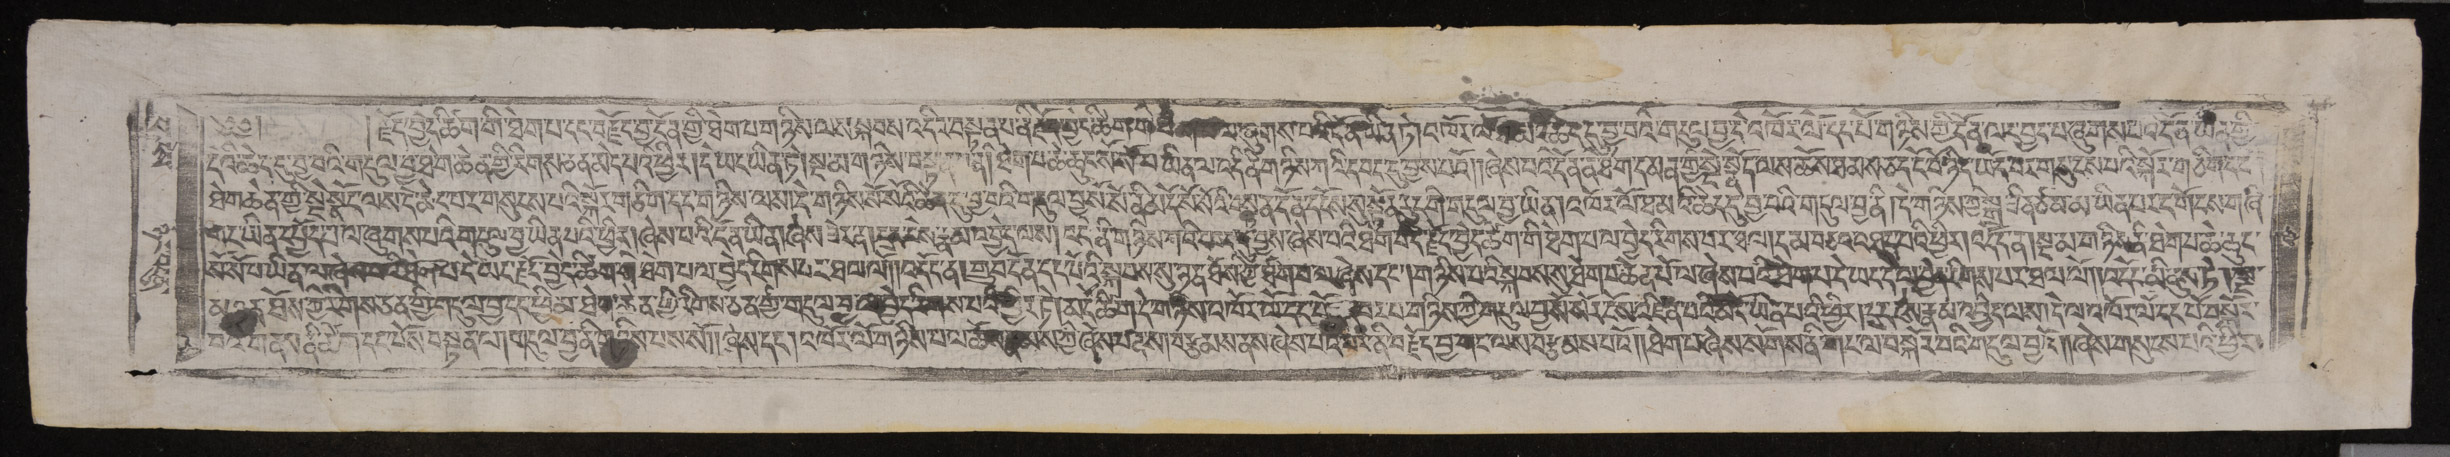༄༅། །རྗོད་བྱེད་ཚིག་གི་ཐེག་པ་དང་བརྗོད་བྱ་དོན་གྱི་ཐེག་པ་གཉིས་ལས་སྐབས་འདིར་བསྟན་པ་ནི་རྗོད་བྱེད་ཚིག་གི་ཐེག་པ་ལ་ཞུགས་པའི་དོན་ཡིན་ཏེ། འཁོར་ལོ་ཐ་མའི་ཆེད་དུ་བྱ་བའི་གདུལ་བྱ་དེ་འཁོར་ལོ་དང་པོ་གཉིས་ཀྱི་དོན་ལ་དཔྱད་པ་ཞུགས་པའི་དོན་ཡིན་གྱི་
དེའི་ཆེད་དུ་བྱ་བའི་གདུལ་བྱ་ཐེག་ཆེན་གྱི་རིགས་ཅན་མེད་པའི་ཕྱིར། དེ་ཡང་ཡིན་ཏེ། སྔ་མ་གཉིས་བསྟན་པ་ནི། ཐེག་པ་ཆེ་ཆུང་སོ་སོ་བ་ཡིན་ལ་འདི་ནི་གཉིས་ཀའི་དབང་དུ་བྱས་པའོ། །ཞེས་པའི་དོན་ནི་ཐེག་དམན་གྱི་སྡེ་སྣོད་ལས་ཆོས་ཐམས་ཅད་ངོ་བོ་ཉིད་ཡོད་པར་གསུངས་པའི་སྐོར་གཅིག་དང་།
ཐེག་ཆེན་གྱི་སྡེ་སྣོད་ལས་དེ་མེད་པར་གསུངས་པའི་སྐོར་གཅིག་དང་གཉིས་ལས། དེ་གཉིས་སོ་སོའི་ཆེད་དུ་བྱ་བའི་གདུལ་བྱ་སོ་སོ་ནི་མདོ་སོ་སོའི་བསྟན་དོན་དངོས་སུ་སྟོན་རུང་གི་གདུལ་བྱ་ཡིན། འཁོར་ལོ་ཐ་མའི་ཆེད་དུ་བྱ་བའི་གདུལ་བྱ་ནི། དེ་གཉིས་ཀྱི་སྒྲ་ཟིན་ཙམ་མ་ཡིན་པར་དགོངས་གཞི་
གང་ཡིན་དཔྱོད་པ་ལ་ཞུགས་པའི་གདུལ་བྱ་ཡིན་པའི་ཕྱིར། ཞེས་པའི་དོན་ཡིན། ཞེས་ཟེར་ན། དྲང་ངེས་རྣམ་འབྱེད་ལས། འདི་ནི་གཉིས་ཀའི་དབང་དུ་བྱས་ཞེས་པའི་ཐེག་པ་དེ་རྗོད་བྱེད་ཚིག་གི་ཐེག་པ་ལ་བྱེད་རིགས་པར་ཐལ། དམ་བཅའ་འཐད་པའི་ཕྱིར། འདོད་ན། སྔ་མ་གཉིས་ནི་ཐེག་པ་ཆེ་ཆུང་
སོ་སོ་བ་ཡིན་ལ་ཞེས་པའི་ཐེག་པ་དེ་ཡང་རྗོད་བྱེད་ཚིག་གི་ཐེག་པ་ལ་བྱེད་རིགས་པར་ཐལ་ལོ། །འདོད་ན། གྲུབ་དོན་དང་པོའི་སྐབས་སུ་ཉན་ཐོས་ཀྱི་ཐེག་པ་ལ་ཞེས་དང་། གཉིས་པའི་སྐབས་སུ་ཐེག་པ་ཆེན་པོ་ལ་ཞེས་པའི་ཐེག་པ་དེ་ཡང་དེ་ལ་བྱེད་རིགས་པར་ཐལ་ལོ། །འདོད་མི་ནུས་ཏེ། སྔ་
མ་ཉན་ཐོས་ཀྱི་རིགས་ཅན་གྱི་གདུལ་བྱ་དང་ཕྱི་མ་ཐེག་ཆེན་གྱི་རིགས་ཅན་གྱི་གདུལ་བྱ་ལ་བྱེད་རིགས་པའི་ཕྱིར་ཏེ། མདོ་ཚིག་དེ་གཉིས་འཁོར་ལོ་དང་པོ་དང་བར་པ་གཉིས་ཀྱི་གདུལ་བྱ་སོ་སོར་ངོས་འཛིན་པའི་མདོ་ཡིན་པའི་ཕྱིར། དྲང་ངེས་རྣམ་འབྱེད་ལས། དེ་ལ་འཁོར་ལོ་དང་པོ་བསྐོར་
བའི་གནས་ནི་ཚིག་དང་བོས་བསྟན་ལ། གདུལ་བྱ་ནི་གཉིས་པས་སོ། །ཞེས་དང་། འཁོར་ལོ་གཉིས་པ་ལ་ཆོས་རྣམས་ཀྱི་ཞེས་པ་ནས། བརྩམས་ནས་ཞེས་པའི་བར་ནི་བརྗོད་བྱ་གང་ལས་བརྩམས་པའོ། །ཐེག་པ་ཞེས་སོགས་ནི་གང་ལ་བསྐོར་བའི་གདུལ་བྱའོ། །ཞེས་གསུངས་པའི་ཕྱིར།